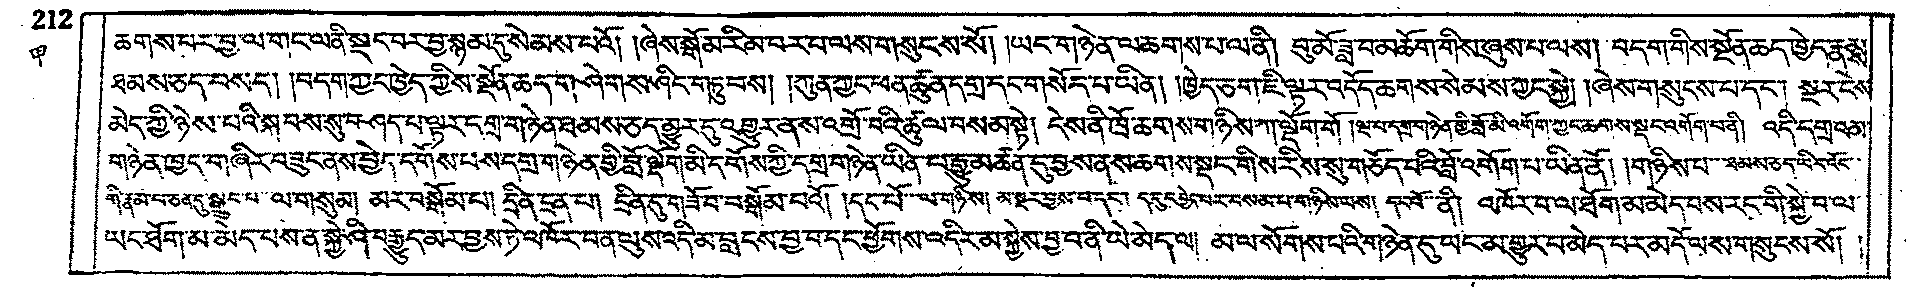ཆགས་པར་བྱ་ལ་གང་ལ་ནི་སྡང་བར་བྱ་སྙམ་དུ་སེམས་པའོ། །ཞེས་སྒོམ་རིམ་པར་པ་ལས་གསུངས་སོ། །ཡང་གཉེན་ལ་ཆགས་པ་ལ་ནི། བུ་མོ་ཟླ་བ་མཆོག་གིས་ཞུས་པ་ལས། བདག་གིས་སྔོན་ཆད་ཁྱེད་རྣམས་
ཐམས་ཅད་བསད། །བདག་ཀྱང་ཁྱེད་ཀྱིས་སྔོན་ཆད་གཤེགས་ཤིང་གཏུབས། །ཀུན་ཀྱང་ཕན་ཚུན་དགྲ་དང་གསོད་པ་ཡིན། །ཁྱེད་ཅག་ཇི་ལྟར་འདོད་ཆགས་སེམས་ཀྱང་སྐྱེ། །ཞེས་གསུངས་པ་དང་། སྔར་ངེས་
མེད་ཀྱི་ཉེས་པའི་སྐབས་སུ་བཤད་པ་ལྟར་དགྲ་གཉེན་ཐམས་ཅད་མྱུར་དུ་འགྱུར་ནས་འགྲོ་བའི་ཚུལ་བསམ་སྟེ། དེས་ནི་ཁྲོ་ཆགས་གཉིས་ཀ་ལྡོག་གོ། །ལྔ་པ་དགྲ་གཉེན་གྱི་བློ་མི་འགོག་ཀྱང་ཆགས་སྡང་འགོག་པ་ནི།  འདི་དགྲ་འམ་
གཉེན་ཁྱད་གཞིར་བཟུང་ནས་བྱེད་དགོས་པས་དགྲ་གཉེན་གྱི་བློ་ལྡོག་མི་དགོས་ཀྱི་དགྲ་གཉེན་ཡིན་པ་རྒྱུ་མཚན་དུ་བྱས་ནས་ཆགས་སྡང་གིས་རིས་སུ་གཅོད་པའི་བློ་འགོག་པ་ཡིན་ནོ། །གཉིས་པཐམས་ཅད་ཡིད་འོང་
གི་རྣམ་པ་ཅན་དུ་སྒྲུབ་པལ་གསུམ། མར་བསྒོམ་པ། དྲིན་དྲན་པ། དྲིན་དུ་གཟོ་བ་བསྒོམ་པའོ། །དང་པོལ་གཉིས། མ་སྔར་བྱས་པ་དང་། ད་དུང་བྱེད་པར་བསམ་པ་གཉིས་ལས། དང་པོནི། འཁོར་བ་ལ་ཐོག་མ་མེད་པས་རང་གི་སྐྱེ་བ་ལ་
ཡང་ཐོག་མ་མེད་པས་ན་སྐྱེ་ཤི་བརྒྱུད་མར་བྱས་ཏེ་འཁོར་བ་ན་ལུས་འདི་མ་བླངས་བྱ་བ་དང་ཕྱོགས་འདིར་མ་སྐྱེས་བྱ་བ་ནི་ཡེ་མེད་ལ། མ་ལ་སོགས་པའི་གཉེན་དུ་ཡང་མ་གྱུར་པ་མེད་པར་མདོ་ལས་གསུངས་སོ། །